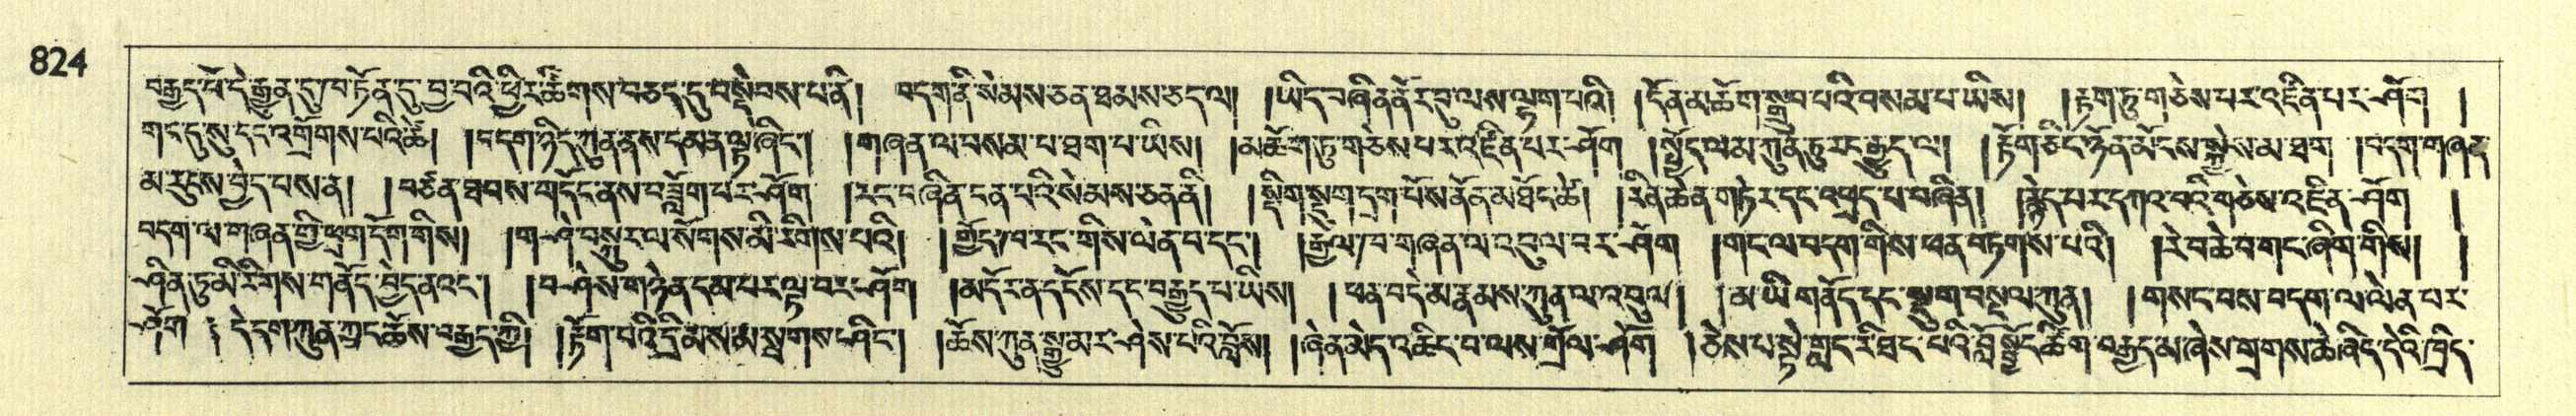བརྒྱད་པོ་དེ་རྒྱུན་དུ་ཁ་ཏོན་དུ་བྱ་བའི་ཕྱིར་ཚིགས་བཅད་དུ་བསྡེབས་པ་ནི། བདག་ནི་སེམས་ཅན་ཐམས་ཅད་ལ། །ཡིད་བཞིན་ནོར་བུ་ལས་ལྷག་པའི། །དོན་མཆོག་སྒྲུབ་པའི་བསམ་པ་ཡིས། །རྟག་ཏུ་གཅེས་པར་འཛིན་པར་ཤོག །
གང་དུ་སུ་དང་འགྲོགས་པའི་ཚེ། །བདག་ཉིད་ཀུན་ནས་དམན་ལྟ་ཞིང་། །གཞན་ལ་བསམ་པ་ཐག་པ་ཡིས། །མཆོག་ཏུ་གཅེས་པར་འཛིན་པར་ཤོག །སྤྱོད་ལམ་ཀུན་ཏུ་རང་རྒྱུད་ལ། །རྟོག་ཅིང་ཉོན་མོངས་སྐྱེས་མ་ཐག །བདག་གཞན་
མ་རུངས་བྱེད་པས་ན། །བཙན་ཐབས་གདོང་ནས་བཟློག་པར་ཤོག །རང་བཞིན་ངན་པའི་སེམས་ཅན་ནི། །སྡིག་སྡུག་དྲག་པོས་ནོན་མཐོང་ཚེ། །རིན་ཆེན་གཏེར་དང་འཕྲད་པ་བཞིན། །རྙེད་པར་དཀའ་བའི་གཅེས་འཛིན་ཤོག །
བདག་ལ་གཞན་གྱི་ཕྲག་དོག་གིས། །གཤེ་བསྐུར་ལ་སོགས་མི་རིགས་པའི། །གྱོད་ཁ་རང་གིས་ལེན་པ་དང་། །རྒྱལ་ཁ་གཞན་ལ་འབུལ་བར་ཤོག །གང་ལ་བདག་གིས་ཕན་བཏགས་པའི། །རེ་བ་ཆེ་བ་གང་ཞིག་གིས། །
ཤིན་ཏུ་མི་རིགས་གནོད་བྱེད་ནའང་། །བཤེས་གཉེན་དམ་པར་ལྟ་བར་ཤོག །མདོར་ན་དངོས་དང་བརྒྱུད་པ་ཡིས། །ཕན་བདེ་མ་རྣམས་ཀུན་ལ་འབུལ། །མ་ཡི་གནོད་དང་སྡུག་བསྔལ་ཀུན། །གསང་བས་བདག་ལ་ལེན་པར་
ཤོག ༑ དེ་དག་ཀུན་ཀྱང་ཆོས་བརྒྱད་ཀྱི། །རྟོག་བའི་དྲི་མས་མ་སྦགས་ཤིང་། །ཆོས་ཀུན་སྒྱུ་མར་ཤེས་པའི་བློས། །ཞེན་མེད་འཆིང་བ་ལས་གྲོལ་ཤོག །ཅེས་པ་སྟེ་གླང་རི་ཐང་པའི་བློ་སྦྱོང་ཚིག་བརྒྱད་མ་ཞེས་གྲགས་ཆེ་ཞིང་དེའི་ཁྲིད་